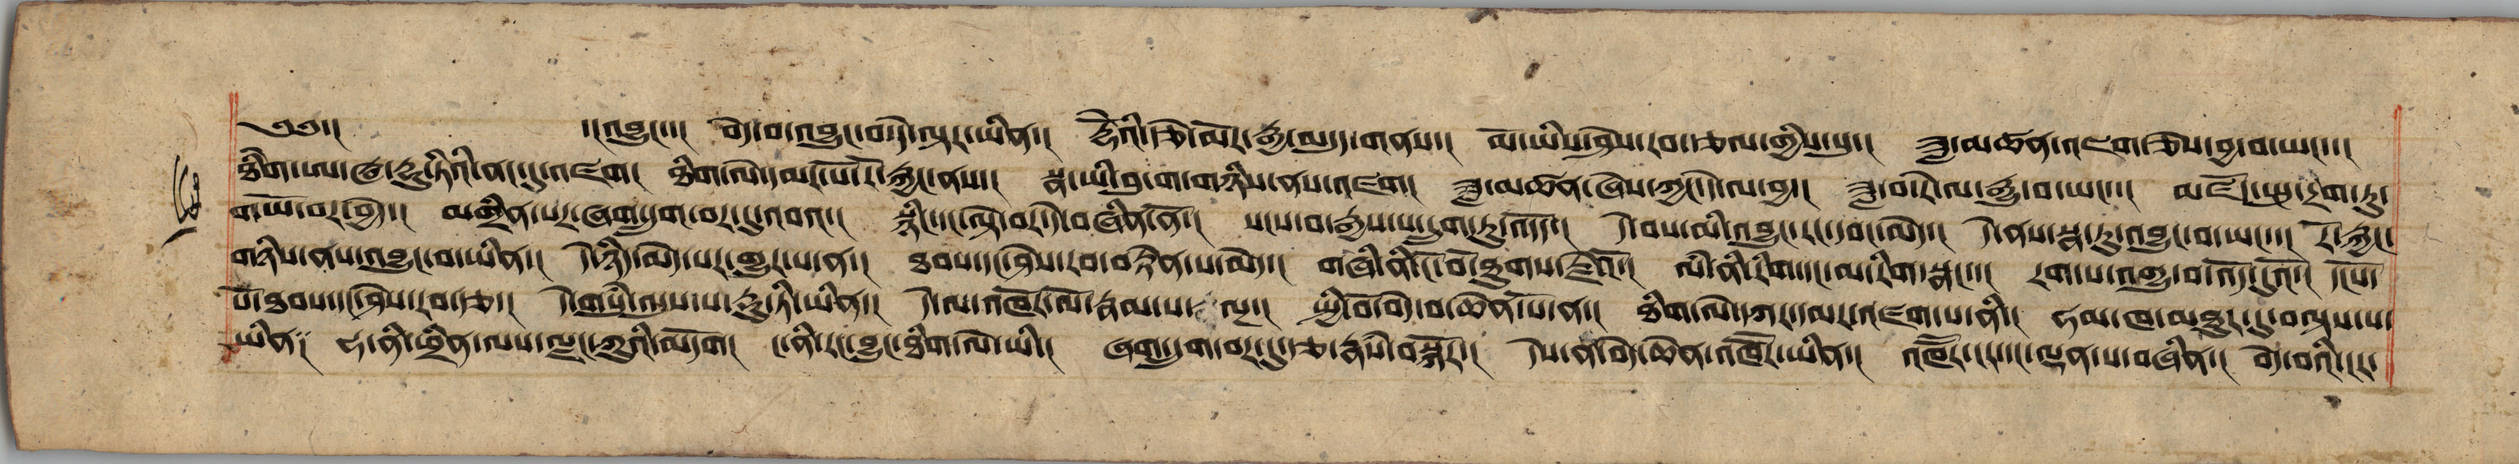༄༅་། ་།འབྱུང་་། བདེ་བ་འབྱུང་བ་དེ་ལྟར་ཡིན་། རྡོེའི་རྩེ་མོར་རྒྱ་མདུད་གནས་། མོ་ཡིས་ཤེས་རབ་རྩལ་གྱིས་སུ་། ཟླ་མཚན་འཇག་ཅེས་བྱ་བ་ཡང་་།
ཐིགེ་ཨ་ཝ་དྷུ་ཏིའི་ནང་དུ་འཛག། ཐིག་ལེ་དམར་པོ་རོ་རྐྱང་ནས་། སྣ་ཡི་བུ་ག་གཉིས་ནས་འཇག། ཟླ་མཚན་ཞེས་ཀྱང་དེ་ལ་བྱ་། ཟླ་བ་རེ་ལ་རྒྱུ་བ་ཡང་་། མཛོད་སྤུ་དྲག་ཏུ་
གཡོ་བར་བྱེད་། མགྲིན་པར་ཞག་དྲུག་བར་དུ་འབའ་། སྙིང་དང་ལྟེ་བར་དེ་བཞིན་ནོ་། སངས་བ་རྒྱས་པ་དྲུག་ཏུ་འདོད་། དེ་བས་མི་འབྱུང་རང་དབང་མེད་། དེ་ནས་སྣ་ཏུ་བྱུང་བ་ཡང་་། རོ་རྐྱང་
གཉིས་ནས་འབྱུང་བ་ཡིན་། དེ་ཉིད་མེད་པར་འགྱུར་པ་ན་། ཐབས་དང་ཤེས་རབ་བརྟེན་པ་མེད་། གཞི་ནི་ངོ་བོ་ཐུགས་རྗེའོ་། ལཾ་ནི་རིག་དང་མ་རིག་སྣང་་། རགཔ་འགྱུ་བ་འོད་དུའོ་། དངོས་
པོ་ཐབས་དང་ཤེས་རབ་རྩ་། དེ་གསུཾ་འདུས་པ་དྷུ་ཏི་ཡིན་། དེ་ལ་འཁོར་ལོ་རྣམ་པ་ལྔ་། སྤྱི་བོ་བདེ་བ་ཆེན་པོ་ན་། ཐིག་ལེ་དཀར་དམར་འཛག་པ་ནི་། ཧམ་ཁ་མཐུར་དུ་བལྟས་པ་
ཡིན༑ ཧ་ནི་ཕྲིན་ལས་ལྗང་ཀུའི་མདོག། ང་ནི་རང་བྱུང་ཐིག་ལེ་ཡི་། ཞག་དྲུག་བར་དུ་རྩ་རྣཾས་བསྐཽར་། དེས་ནི་བདེ་ཆེན་འཁཽར་ཡིན་། འཁཽར་ངར་དང་ལྡན་པ་བཞིན་། བདེ་བའི་ངར་